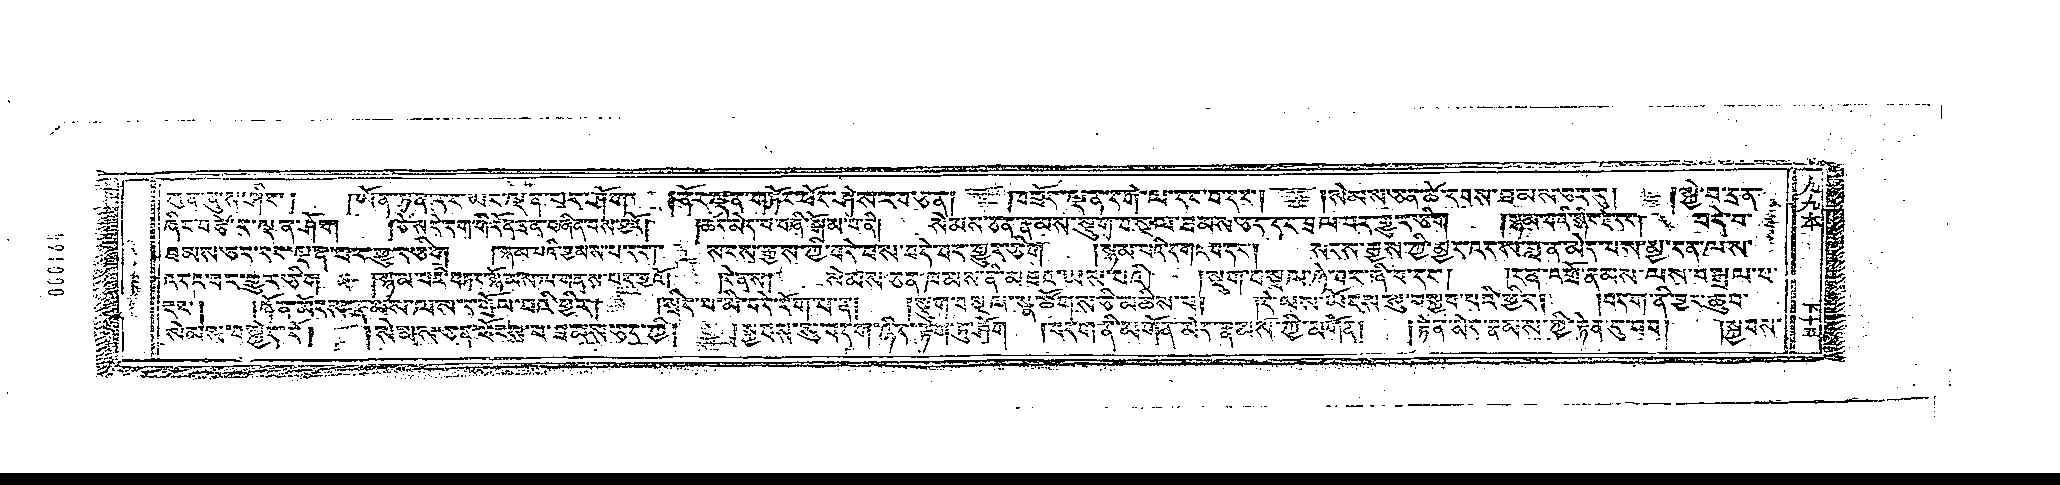ཀུན་ནུས་ཤིང་། །ཡོན་ཏན་དང་ཡང་ལྡན་པར་ཤོག །ནོར་ལྡན་གཏོང་ཕོད་ཤེས་རབ་ཅན། །བཟོད་ལྡན་དགེ་ལ་དང་བ་དང་། །སེམས་ཅན་ཚེ་རབས་ཐམས་ཅད་དུ། །སྐྱེ་བ་དྲན་
ཞིང་བརྩེར་ལྡན་ཤོག །ཅེས་དེ་དག་གི་དོན་དྲན་བཞིན་པས་བྱའོ། །ཚད་མེད་པ་བཞི་སྒོམ་བ་ནི། སེམས་ཅན་རྣམས་སྡུག་བསྔལ་ཐམས་ཅད་དང་བྲལ་བར་གྱུར་ཅིག །སྙམ་པའི་སྙིང་རྗེ་དང་། བདེ་བ་
ཐམས་ཅད་དང་ལྡན་པར་གྱུར་ཅིག །སྙམ་པའི་བྱམས་པ་དང་། སངས་རྒྱས་ཀྱི་བདེ་བས་བདེ་བར་གྱུར་ཅིག །སྙམ་པའི་དགའ་བ་དང་། སངས་རྒྱས་ཀྱི་མྱང་འདས་བླ་ན་མེད་པས་མྱ་ངན་ལས་
འདའ་བར་གྱུར་ཅིག །སྙམ་པའི་བཏང་སྙོམས་ལ་གནས་པར་བྱའོ། །དེ་ནས། སེམས་ཅན་ཁམས་ནི་མཐའ་ཡས་པའི། །སྡུག་བསྔལ་ཉེ་བར་ཞི་བ་དང་། །ངན་འགྲོ་རྣམས་ལས་བསྒྲལ་བ་
དང༑ ༑ཉོན་མོངས་རྣམས་ལས་དགྲོལ་བའི་ཕྱིར། །སྲིད་པ་མི་བདེ་དོག་པ་ན། །སྡུག་བསྔལ་སྣ་ཚོགས་ཅི་མཆིས་པ། །དེ་ཡས་ཡོངས་སུ་བསྐྱབ་པའི་ཕྱིར། །བདག་ནི་བྱང་ཆུབ་
སེམས་བསྐྱེད་དོ། །སེམས་ཅན་ཕོངས་པ་ཐམས་ཅད་ཀྱི། །སྐྱབས་སུ་བདག་ཉིད་རྟག་ཏུ་ཤོག །བདག་ནི་མགོན་མེད་རྣམས་ཀྱི་མགོན། །རྟེན་མེད་རྣམས་ཀྱི་རྟེན་དུ་བབ། །སྐྱབས་